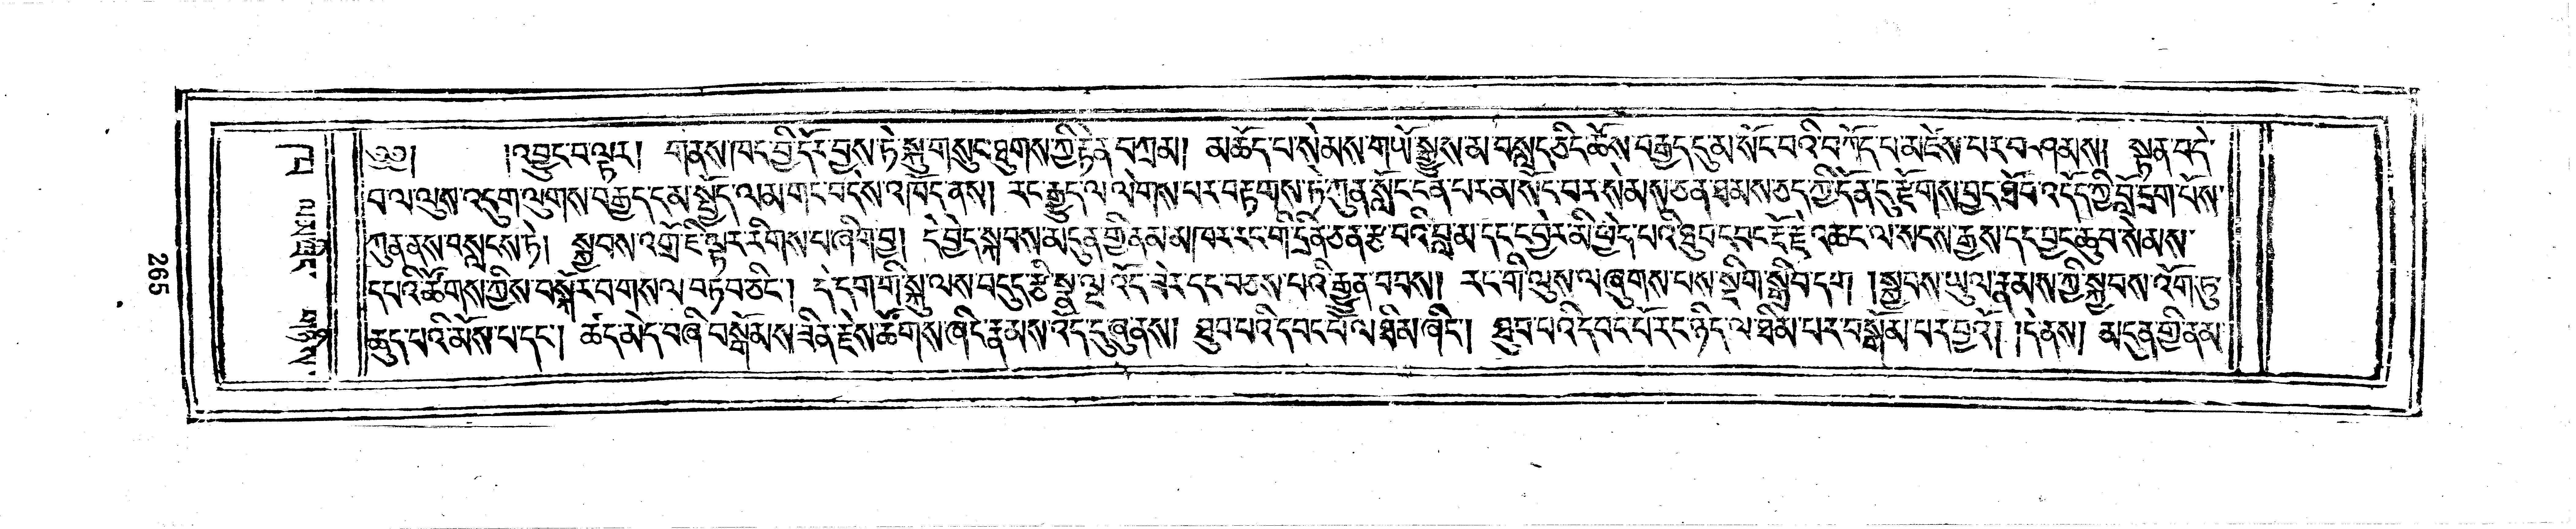༄༅། །འབྱུང་བ་ལྟར། གནས་ཁང་བྱི་དོར་བྱས་ཏེ་སྐུ་གསུང་ཐུགས་ཀྱི་རྟེན་བཀྲམ། མཆོད་པ་སེམས་གཡོ་སྒྱུས་མ་བསླད་ཅིང་ཆོས་བརྒྱད་དུ་མ་སོང་བའི་བཀོད་པ་མཛེས་པར་བཤམས། སྟན་བདེ་
བ་ལ་ལུས་འདུག་ལུགས་བརྒྱད་དམ་སྤྱོད་ལམ་གང་བདེས་འཁོད་ནས། རང་རྒྱུད་ལ་ལེགས་པར་བརྟགས་ཏེ་ཀུན་སློང་ངན་པར་མ་སོང་བར་སེམས་ཅན་ཐམས་ཅད་ཀྱི་དོན་དུ་རྫོགས་བྱང་ཐོབ་འདོད་ཀྱི་བློ་དྲག་པོས་
ཀུན་ནས་བསླངས་ཏེ། སྐྱབས་འགྲོ་ཇི་ལྟར་རིགས་པ་ཞིག་བྱ། དེ་བྱེད་སྐབས་མདུན་གྱི་ནམ་མཁར་རང་གི་དྲིན་ཅན་རྩ་བའི་བླ་མ་དང་དབྱེར་མི་ཕྱེད་པའི་ཐུབ་དབང་རྡོ་རྗེ་འཆང་ལ་སངས་རྒྱས་དང་བྱང་ཆུབ་སེམས་
དཔའི་ཚོགས་ཀྱིས་བསྐོར་བ་གསལ་བཏབ་ཅིང་། དེ་དག་གི་སྐུ་ལས་བདུད་རྩི་སྣ་ལྔའི་འོད་ཟེར་དང་བཅས་པའི་རྒྱུན་བབས། རང་གི་ལུས་ལ་ཞུགས་པས་སྡིག་སྒྲིབ་དག །སྐྱབས་ཡུལ་རྣམས་ཀྱི་སྐྱབས་འོག་ཏུ་
ཆུད་པའི་མོས་པ་དང་། ཚད་མེད་བཞི་བསྒོམས་ཟིན་རྗེས་ཚོགས་ཞིང་རྣམས་འོད་དུ་ཞུ་ནས། ཐུབ་པའི་དབང་པོ་ལ་ཐིམ་ཞིང་། ཐུབ་པའི་དབང་པོ་རང་ཉིད་ལ་ཐིམ་པར་བསྒོམ་པར་བྱའོ། །དེ་ནས། མདུན་གྱི་ནམ་